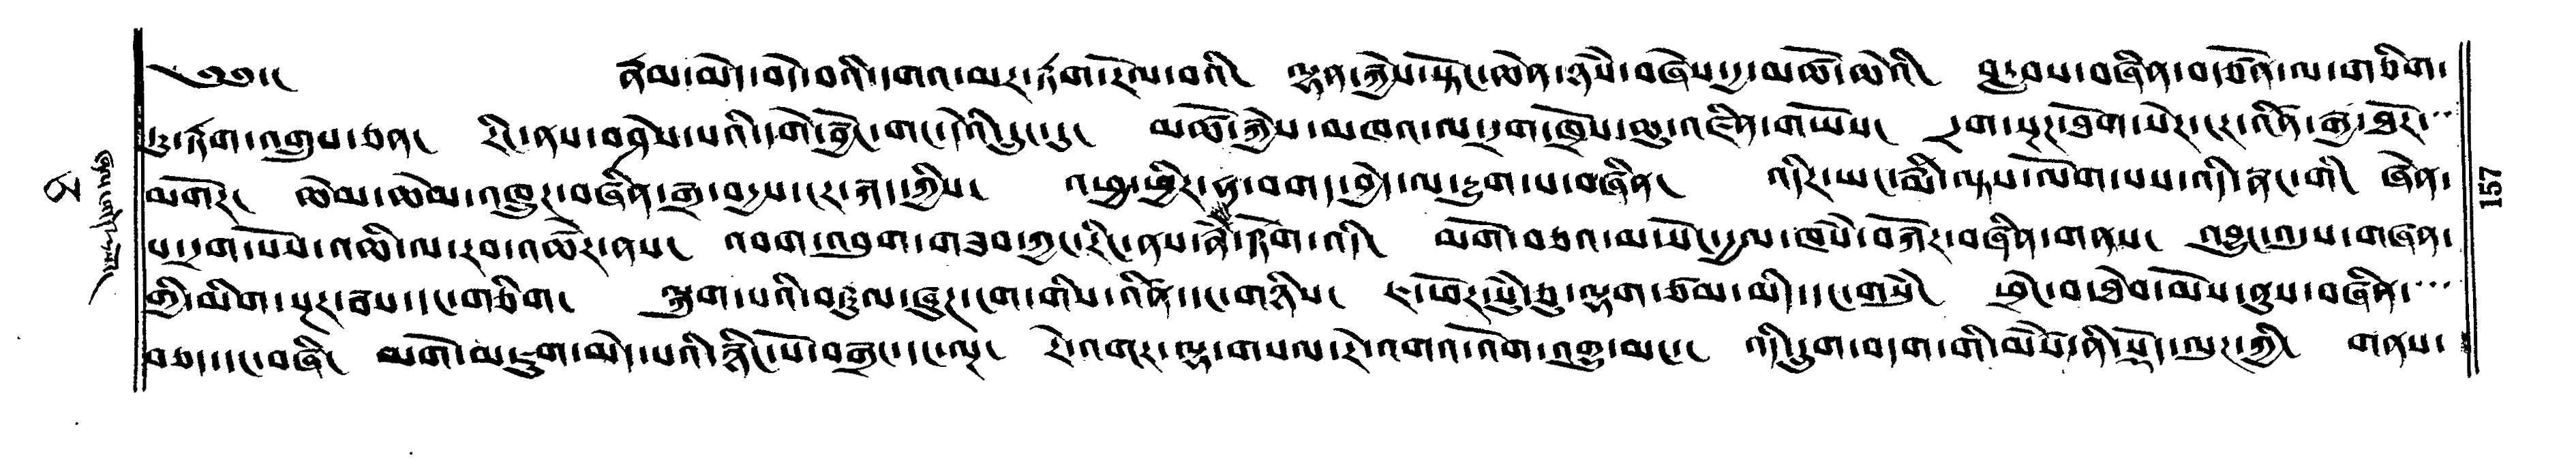༄༅། རྣམ་མེད་བདེ་བའི་དགའ་མར་རྟག་རོལ་བའི། །ལྷན་སྐྱེས་སྟོང་ཆེན་ཉམས་བཞེས་རྒྱ་མཚོ་ཆེའི། །རླབས་བཞིན་བརྩོན་ལ་གཅིག་
ཏུ་རྟག་འགྲུས་ཅན། །རིང་ནས་ཤེས་པའི་དགེ་སྦྱོང་གང་དེའི་དྲུང་། །མཚོ་སྐྱེས་མཁའ་ལ་དྲག་ཁྲོས་ཆུ་འཛིན་གཡོས། །དྲག་སྔགས་ཐོག་སེར་ངར་འཛིན་རྒྱ་ཐོའི་
མགོར། །ཆེམ་ཆེམ་འཁྲུུག་བཞིན་སྒྲ་བརྒྱས་ངར་སྐད་ཀྱིས། །འཕྱ་ཕྱིར་ཧ་བགད་བྱེད་ལ་རྒྱུག་པ་བཞིན། །འདིར་ཡང་རྨི་ལྟས་ལོག་པས་འདི་སྣང་གི །ཞེན་
པ་དྲག་པོས་འཆི་ལ་རབ་འཚེར་ནས། །འབག་འབུག་གཟབ་ཀྱང་རིང་ནས་རྣམ་རྟོག་འདི། །མགོ་བཅའ་མ་སོང་རྒྱལ་ཁམས་སྐོར་བཞིན་གནས། །འབྱུང་འདུས་གཞན་
གྱི་མིག་སྔར་སྦས་དང་གཅིག །ལྐུགས་པའི་བརྟུལ་ཞུགས་ངག་གིས་འཛིན་དང་གཉིས། །ཇ་ཕོར་སུམ་ཅུ་ལྷག་ཙམ་མེད་དང་གསུམ། །ཕྲེང་བ་མཐེབ་མོས་ནུས་བཞིན་
བཅད་དང་བཞི། །མགོ་མཇུག་མེད་པའི་སྙིང་པོ་བགྲང་དང་ལྔ། །རེ་འགར་ལྷ་གསལ་རེ་འགའ་འོག་འགྱུ་མང་། །འདི་དྲུག་བདག་གི་མཚམས་ནི་སྡོད་ལུགས་ཀྱི། །གནས་